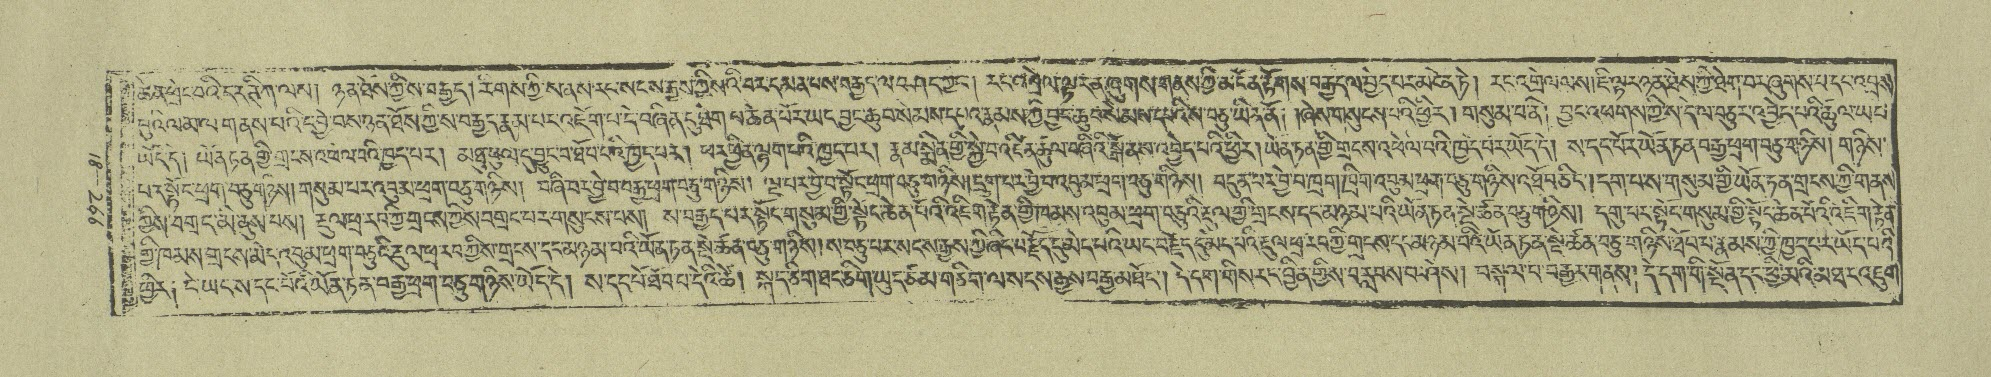ཆེན་ཕེང་བའི་དར་ཊིཀ་ལས། ཉན་ཐོས་ཀྱི་ས་བརྒྱད། རིགས་ཀྱི་ས་ནས་རང་སངས་རྒྱས་ཀྱི་སའི་བར་དམན་བས་བརྒྱད་ལ་བཤད་ཀྱང་། རང་འགྲེལ་ལྟར་ན་ཞུགས་གནས་ཀྱི་མངོན་རྟོགས་བརྒྱད་ལ་བྱེད་པར་མངོན་ཏེ། རང་འགྲེལ་ལས། ཇི་ལྟར་ཉན་ཐོས་ཀྱི་ཐེག་བར་ཞུགས་བ་དང་འབྲས་
བུའི་ལམ་ལ་གནས་པའི་དབྱེ་བས་ཉན་ཐོས་ཀྱི་ས་བརྒྱད་རྣམ་པར་འཇོག་པ་དེ་བཞིན་དུ་ཐེག་པ་ཆེན་པོར་ཡང་བྱང་ཆུབ་སེམས་དཔའི་རྣམས་ཀྱི་བྱང་ཆུབ་སེམས་དཔའི་ས་བཅུ་ཡིན་ནོ། །ཞེས་གསུངས་པའི་ཕྱིར། གསུམ་པ་ནི། བྱང་འཕགས་ཀྱི་ས་དེ་ལ་བཅུར་འབྱེད་པའི་ཚུལ་ཡང་
ཡོད་དེ། ཡོན་ཏན་གྱི་གྲངས་འཕེལ་བའི་ཁྱད་པར། མཐུ་ཕུལ་དུ་བྱུང་བ་ཐོབ་པའི་ཁྱད་པར། ཕར་ཕྱིན་ལྷག་པའི་ཁྱད་པར། རྣམ་སྨིན་གྱི་སྐྱེ་བ་འཛིན་ཚུལ་བཞིའི་སྒོ་ནས་འབྱེད་པའི་ཕྱིར། ཡོན་ཏན་གྱི་གྲངས་འཕེལ་བའི་ཁྱད་པར་ཡོད་དེ། ས་དང་པོར་ཡོན་ཏན་བརྒྱ་ཕྲག་བཅུ་གཉིས། གཉིས་
པར་སྟོང་ཕྲག་བཅུ་གཉིས། གསུམ་པར་འབུམ་ཕྲག་བཅུ་གཉིས། བཞི་བར་བྱེ་བ་བརྒྱ་ཕྲག་བཅུ་གཉིས། ལྔ་པར་བྱེ་བ་སྟོང་ཕྲག་བཅུ་གཉིས། དྲུག་པར་བྱེ་བ་འབུམ་ཕྲག་བཅུ་གཉིས། བདུན་པར་བྱེ་བ་ཁྲག་ཁྲིག་འབུམ་ཕྲག་བཅུ་གཉིས་འཐོབ་ཅིང་། དག་པ་ས་གསུམ་གྱི་ཡོན་ཏན་གྲངས་ཀྱི་གནས་
ཀྱིས་བགྲང་མི་ནུས་པས། རྡུལ་ཕྲ་རབ་ཀྱི་གྲངས་ཀྱིས་བགྲང་པར་གསུངས་པས། ས་བརྒྱད་པར་སྟོང་གསུམ་གྱི་སྟོང་ཆེན་པོའི་འཇིག་རྟེན་གྱི་ཁམས་འབུམ་ཕྲག་བཅུའི་རྡུལ་གྱི་གྲངས་དང་མཉམ་པའི་ཡོན་ཏན་སྡེ་ཚན་བཅུ་གཉིས། དགུ་པར་སྟོང་གསུམ་གྱི་སྟོང་ཆེན་པོའི་འཇིག་རྟེན་
གྱི་ཁམས་གྲངས་མེད་འབུམ་ཕྲག་བཅུའི་རྡུལ་ཕྲ་རབ་ཀྱིས་གྲངས་དང་མཉམ་པའི་ཡོན་ཏན་སྡེ་ཚན་བཅུ་གཉིས། ས་བཅུ་པར་སངས་རྒྱས་ཀྱི་ཞིང་བརྗོད་དུ་མེད་པའི་ཡང་བརྗོད་དུ་མེད་པའི་རྡུལ་ཕྲ་རབ་ཀྱི་གྲངས་དང་མཉམ་པའི་ཡོན་ཏན་སྡེ་ཚན་བཅུ་གཉིས་ཐོབ་པ་རྣམས་ཀྱི་ཁྱད་པར་ཡོད་པའི་
ཕྱིར། དེ་ཡང་ས་དང་པོའི་ཡོན་ཏན་བརྒྱ་ཕྲག་བཅུ་གཉིས་ཡོད་དེ། ས་དང་པོ་ཐོབ་པ་དེའི་ཚེ། སྐད་ཅིག་ཐང་ཅིག་ཡུད་ཙམ་གཅིག་ལ་སངས་རྒྱས་བརྒྱ་མཐོང་། དེ་དག་གིས་རང་བྱིན་གྱིས་བརླབས་པ་ཤེས། བསྐལ་པ་བརྒྱད་གནས། དེ་དག་གི་སྔོན་དང་ཕྱི་མའི་མཐར་འཇུག་